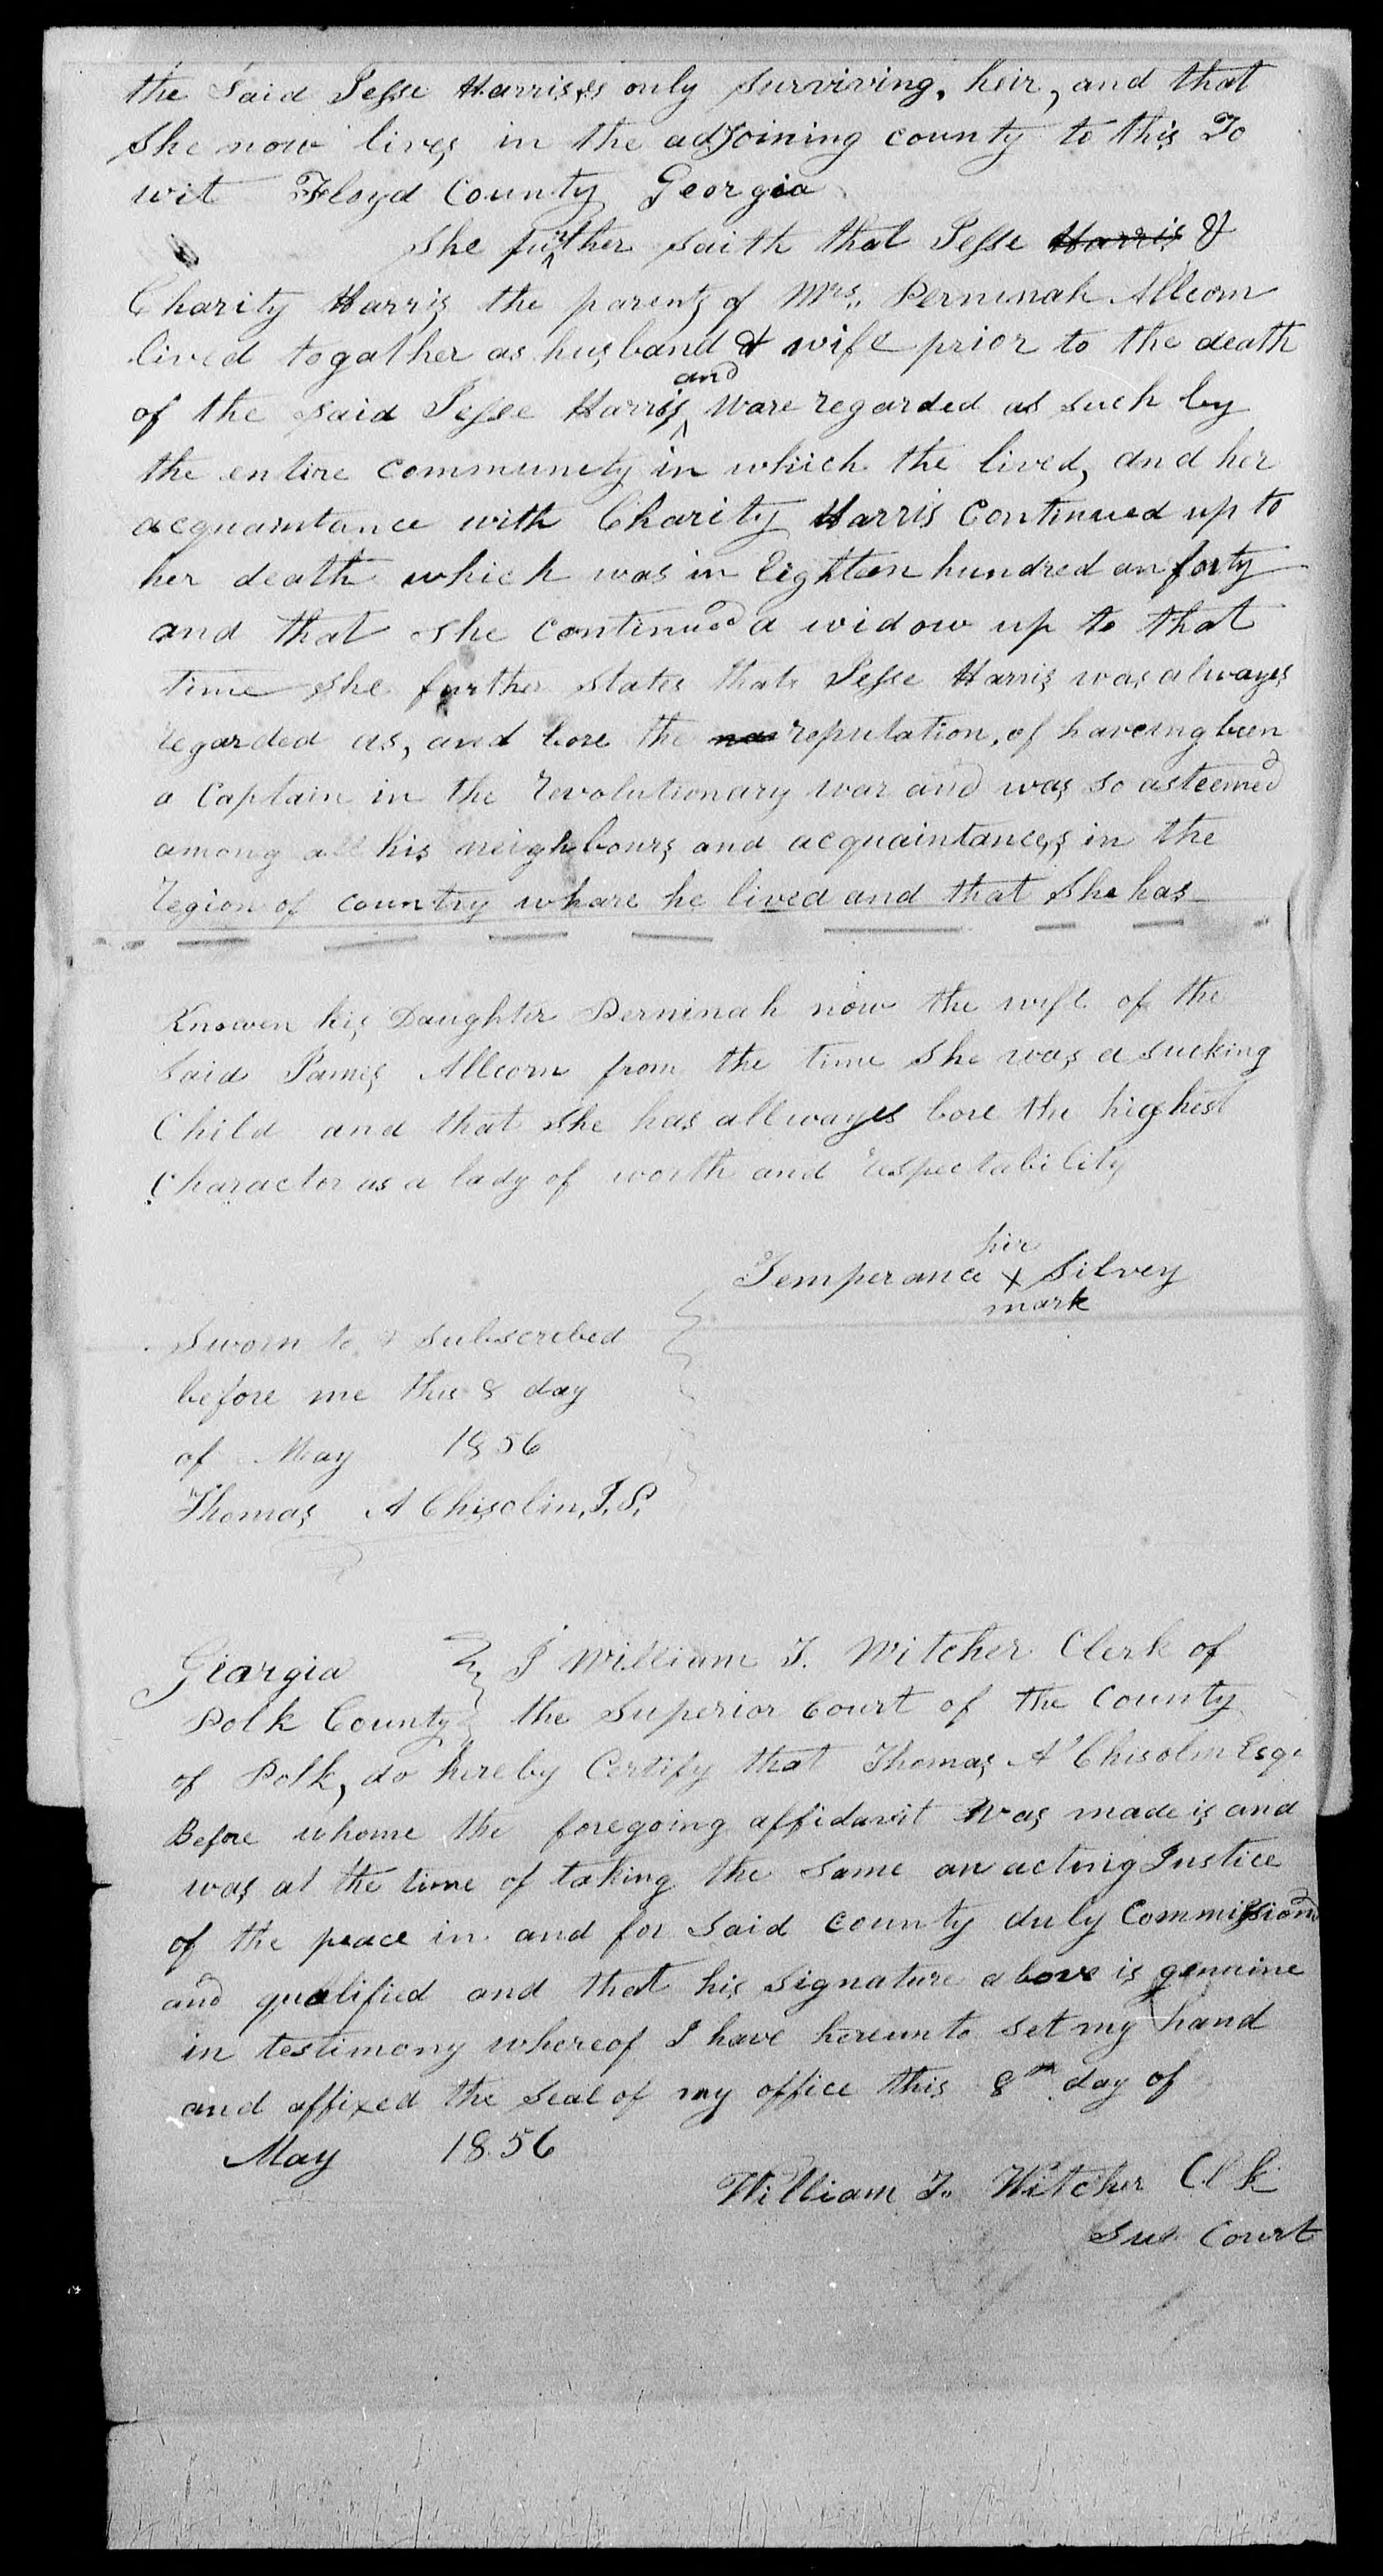the said Jesse Harris's only surviving, heir and that she now lives in the adjoining count to the west Floyd County, Georgia.
She further [illegible] that Jesse & Charity Harris the parents of Mrs. Perninah Allcorn lived together as husband and wife prior to the death of said Jesse Harris and were regarded as such by the entire community in which they lived, and her acquaintance with Charity Harris continued up to her death which was in Eighteen Hundred and forty and that she continued a widow up to that time.  She further states that Jesse Harris was always regarded as, and bore the reputation of having been a Captain in the Revolutionary War ans was so esteemed among all his neighbors and acquaintances in the region of the country where he lived and that she has known his daughter Perninah now the wife of the said James Allcorn from the time she was a suckling child and that she has always bore the highest character of a lady of worth and respectability
Temperance Silvey X her mark
Sworn to & subscribed before me this 8 day of May 1856
Thomas A. Chisolm
Georgia & William J. Witcher Clerk of Court Polk County the Superior Court of the County of Polk, do hereby certify that Thomas A. Chisholm Esquire before whom the forgoing affidavit was made is and was at the time of taking the same as acting Justice of the Peace in and for said county duly Commission [illegible] and that his signature & boss is genuine in testimony whereof I have hereunto set my hand and affixed the seal of my office this 8th day of May 1856
William T. Witcher Clerk
Sup. Court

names: William T Witcher, William T Witcher, Jesse Harris, Jesse Harris, Perninah, James Allcorn, Thomas A Chisolm, Jesse Harris, Thomas A Chisolm, Charity Harris, Jesse Harris, Charity Harris, Temperance Silvey, Perninah Allcorn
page: 7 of 32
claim: rejected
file: R. 4655, Jesse Harris, N.C.